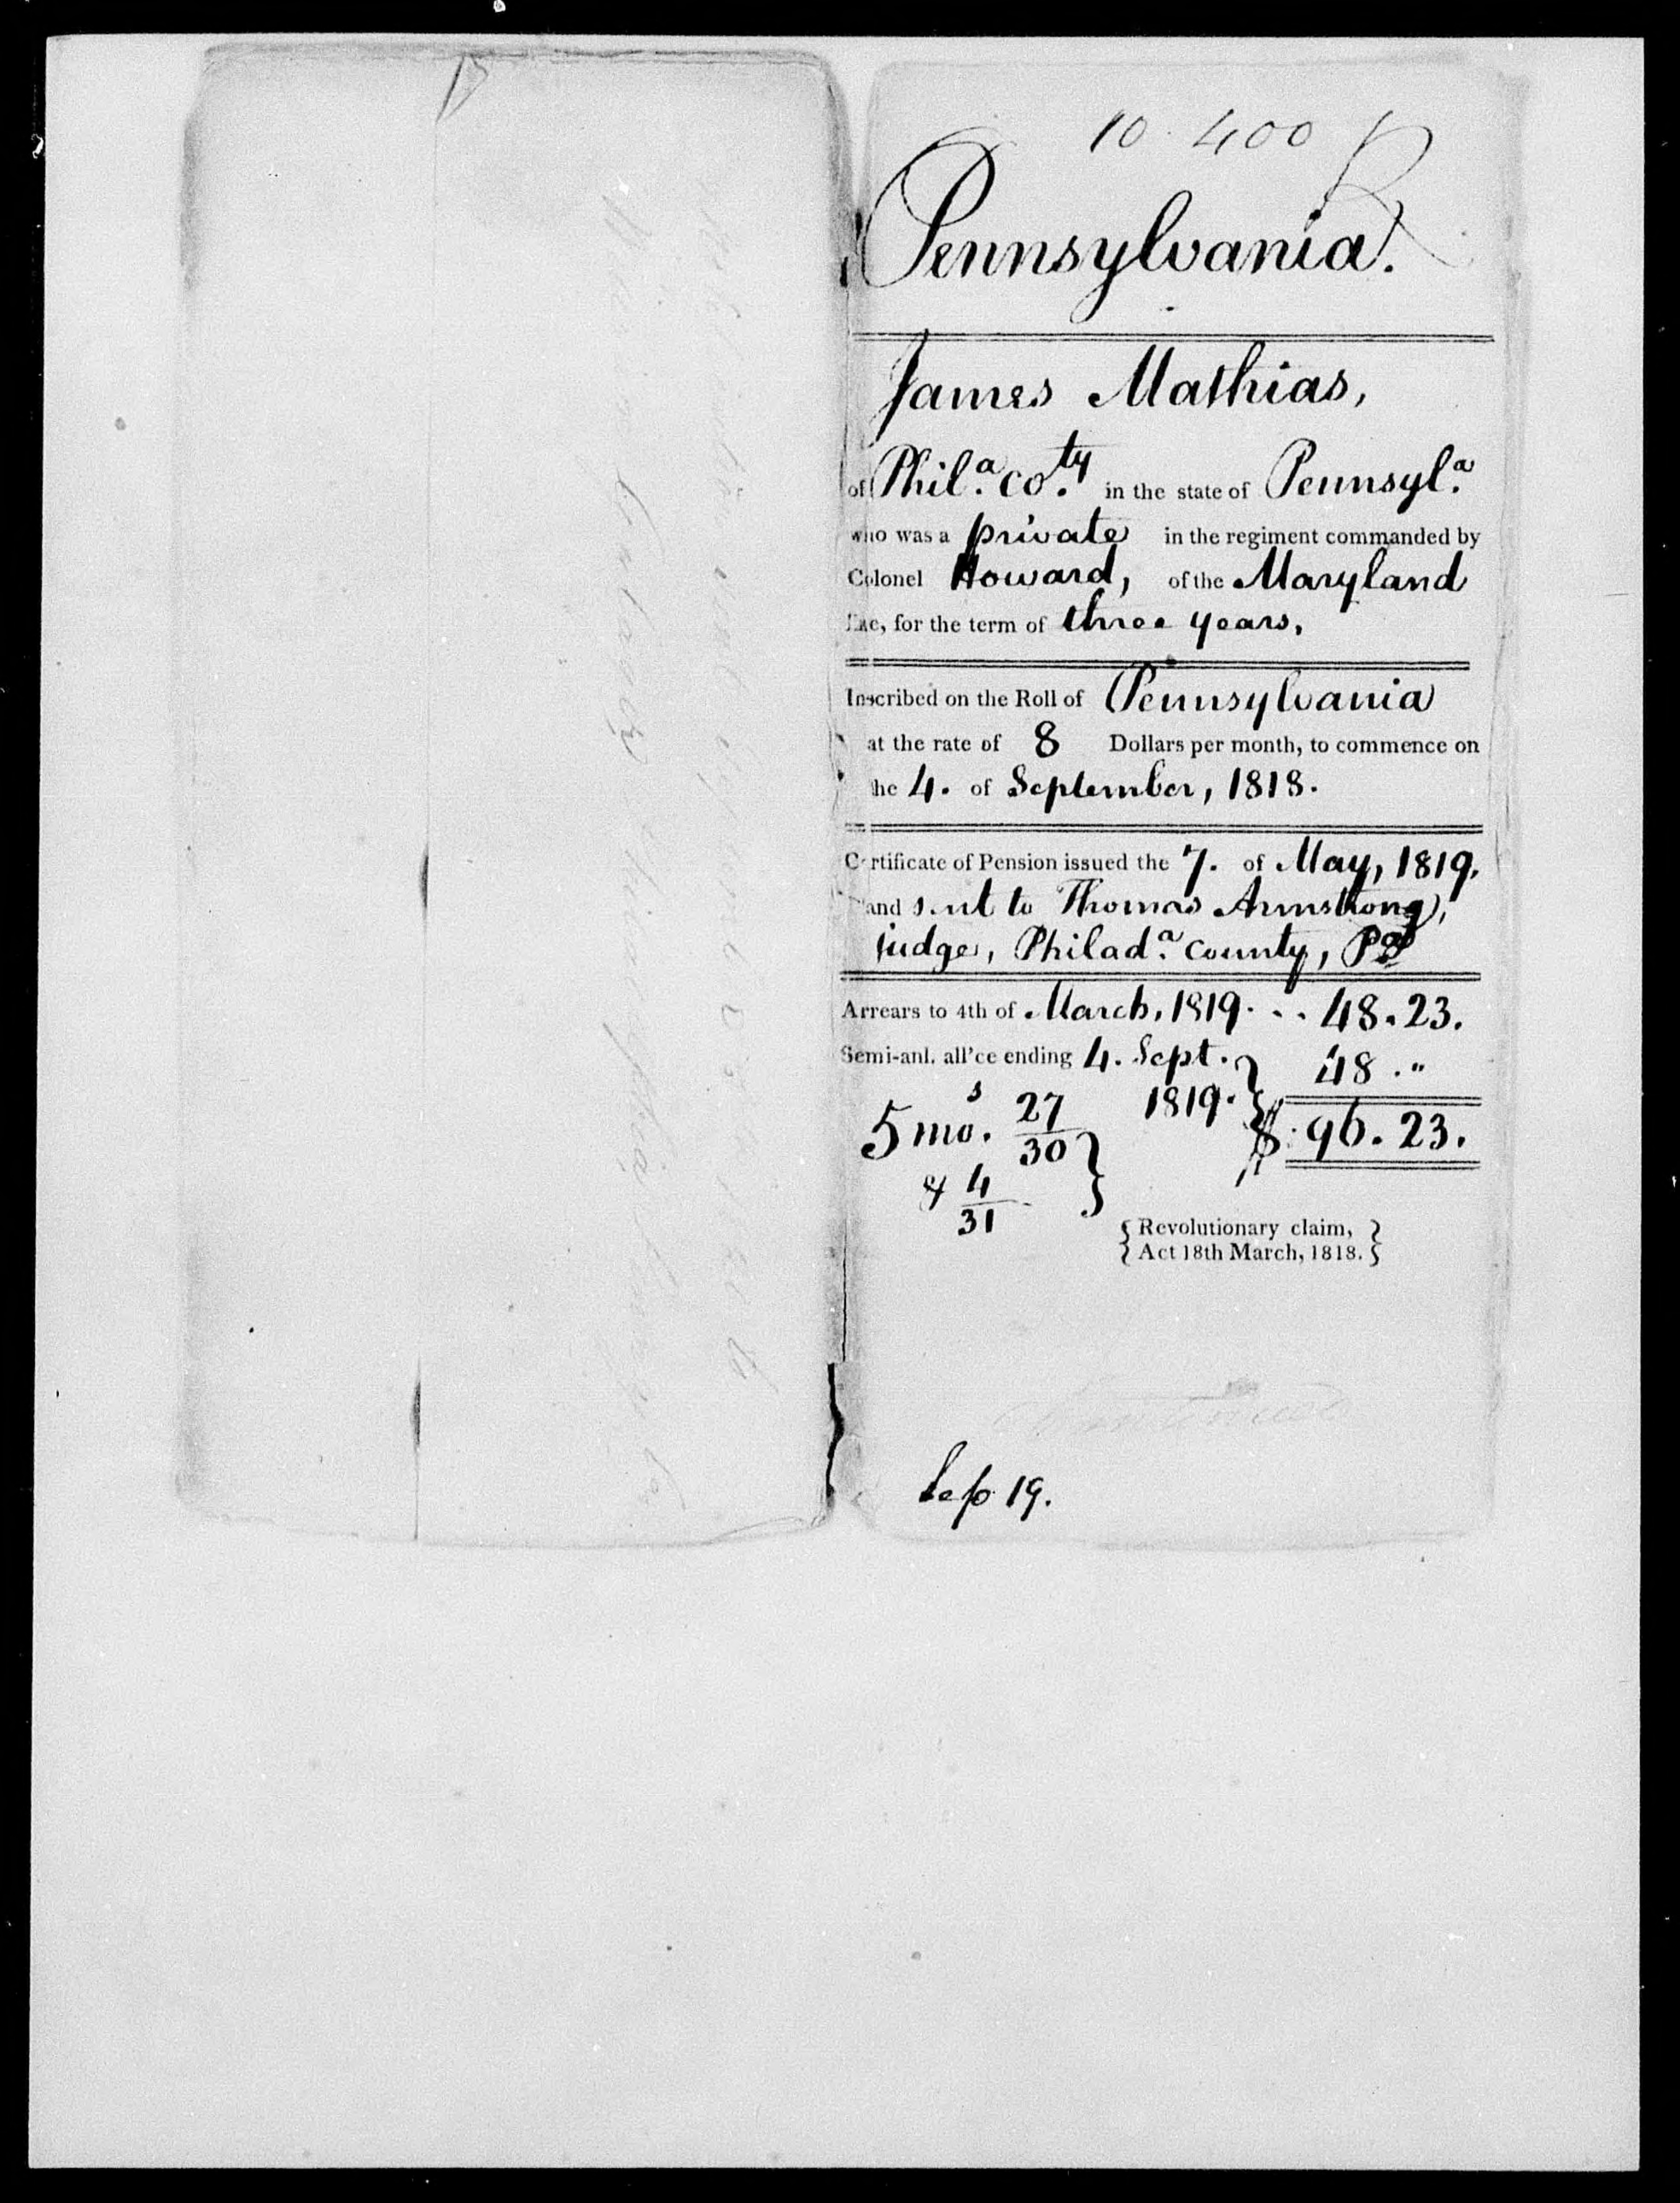10-400
Pennsylvania
James Mathias
of Phil’a  Co’ty  in the State of Pennsyl’a
who was a  private  in the  regiment  commanded
by Colonel Howard of the Maryland
line for the term of three years  
=========================== 
Inscribed on the Roll of  Pennsylvania
at the rate of    8  dollars    per  month
to commence on the    4th day of September, 1818.
============================
Certificate of Pension is issued on the 7th  day  of May 1819
 and  sent to Thomas Armstrong
judge, Phiad’a County, Pa.

Arrears to the 4th of March 1819              48.23
Semi-anl. allowance ending 4 Sept           48.00
	 		    1819	            $ 96.23
5 mo 27/30
    x  4
   31
                                     Revolutionary Claim
			Act 18th March, 1818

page: 2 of 20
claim: survivor's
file: S. 40,119, for James Mathias, Maryland